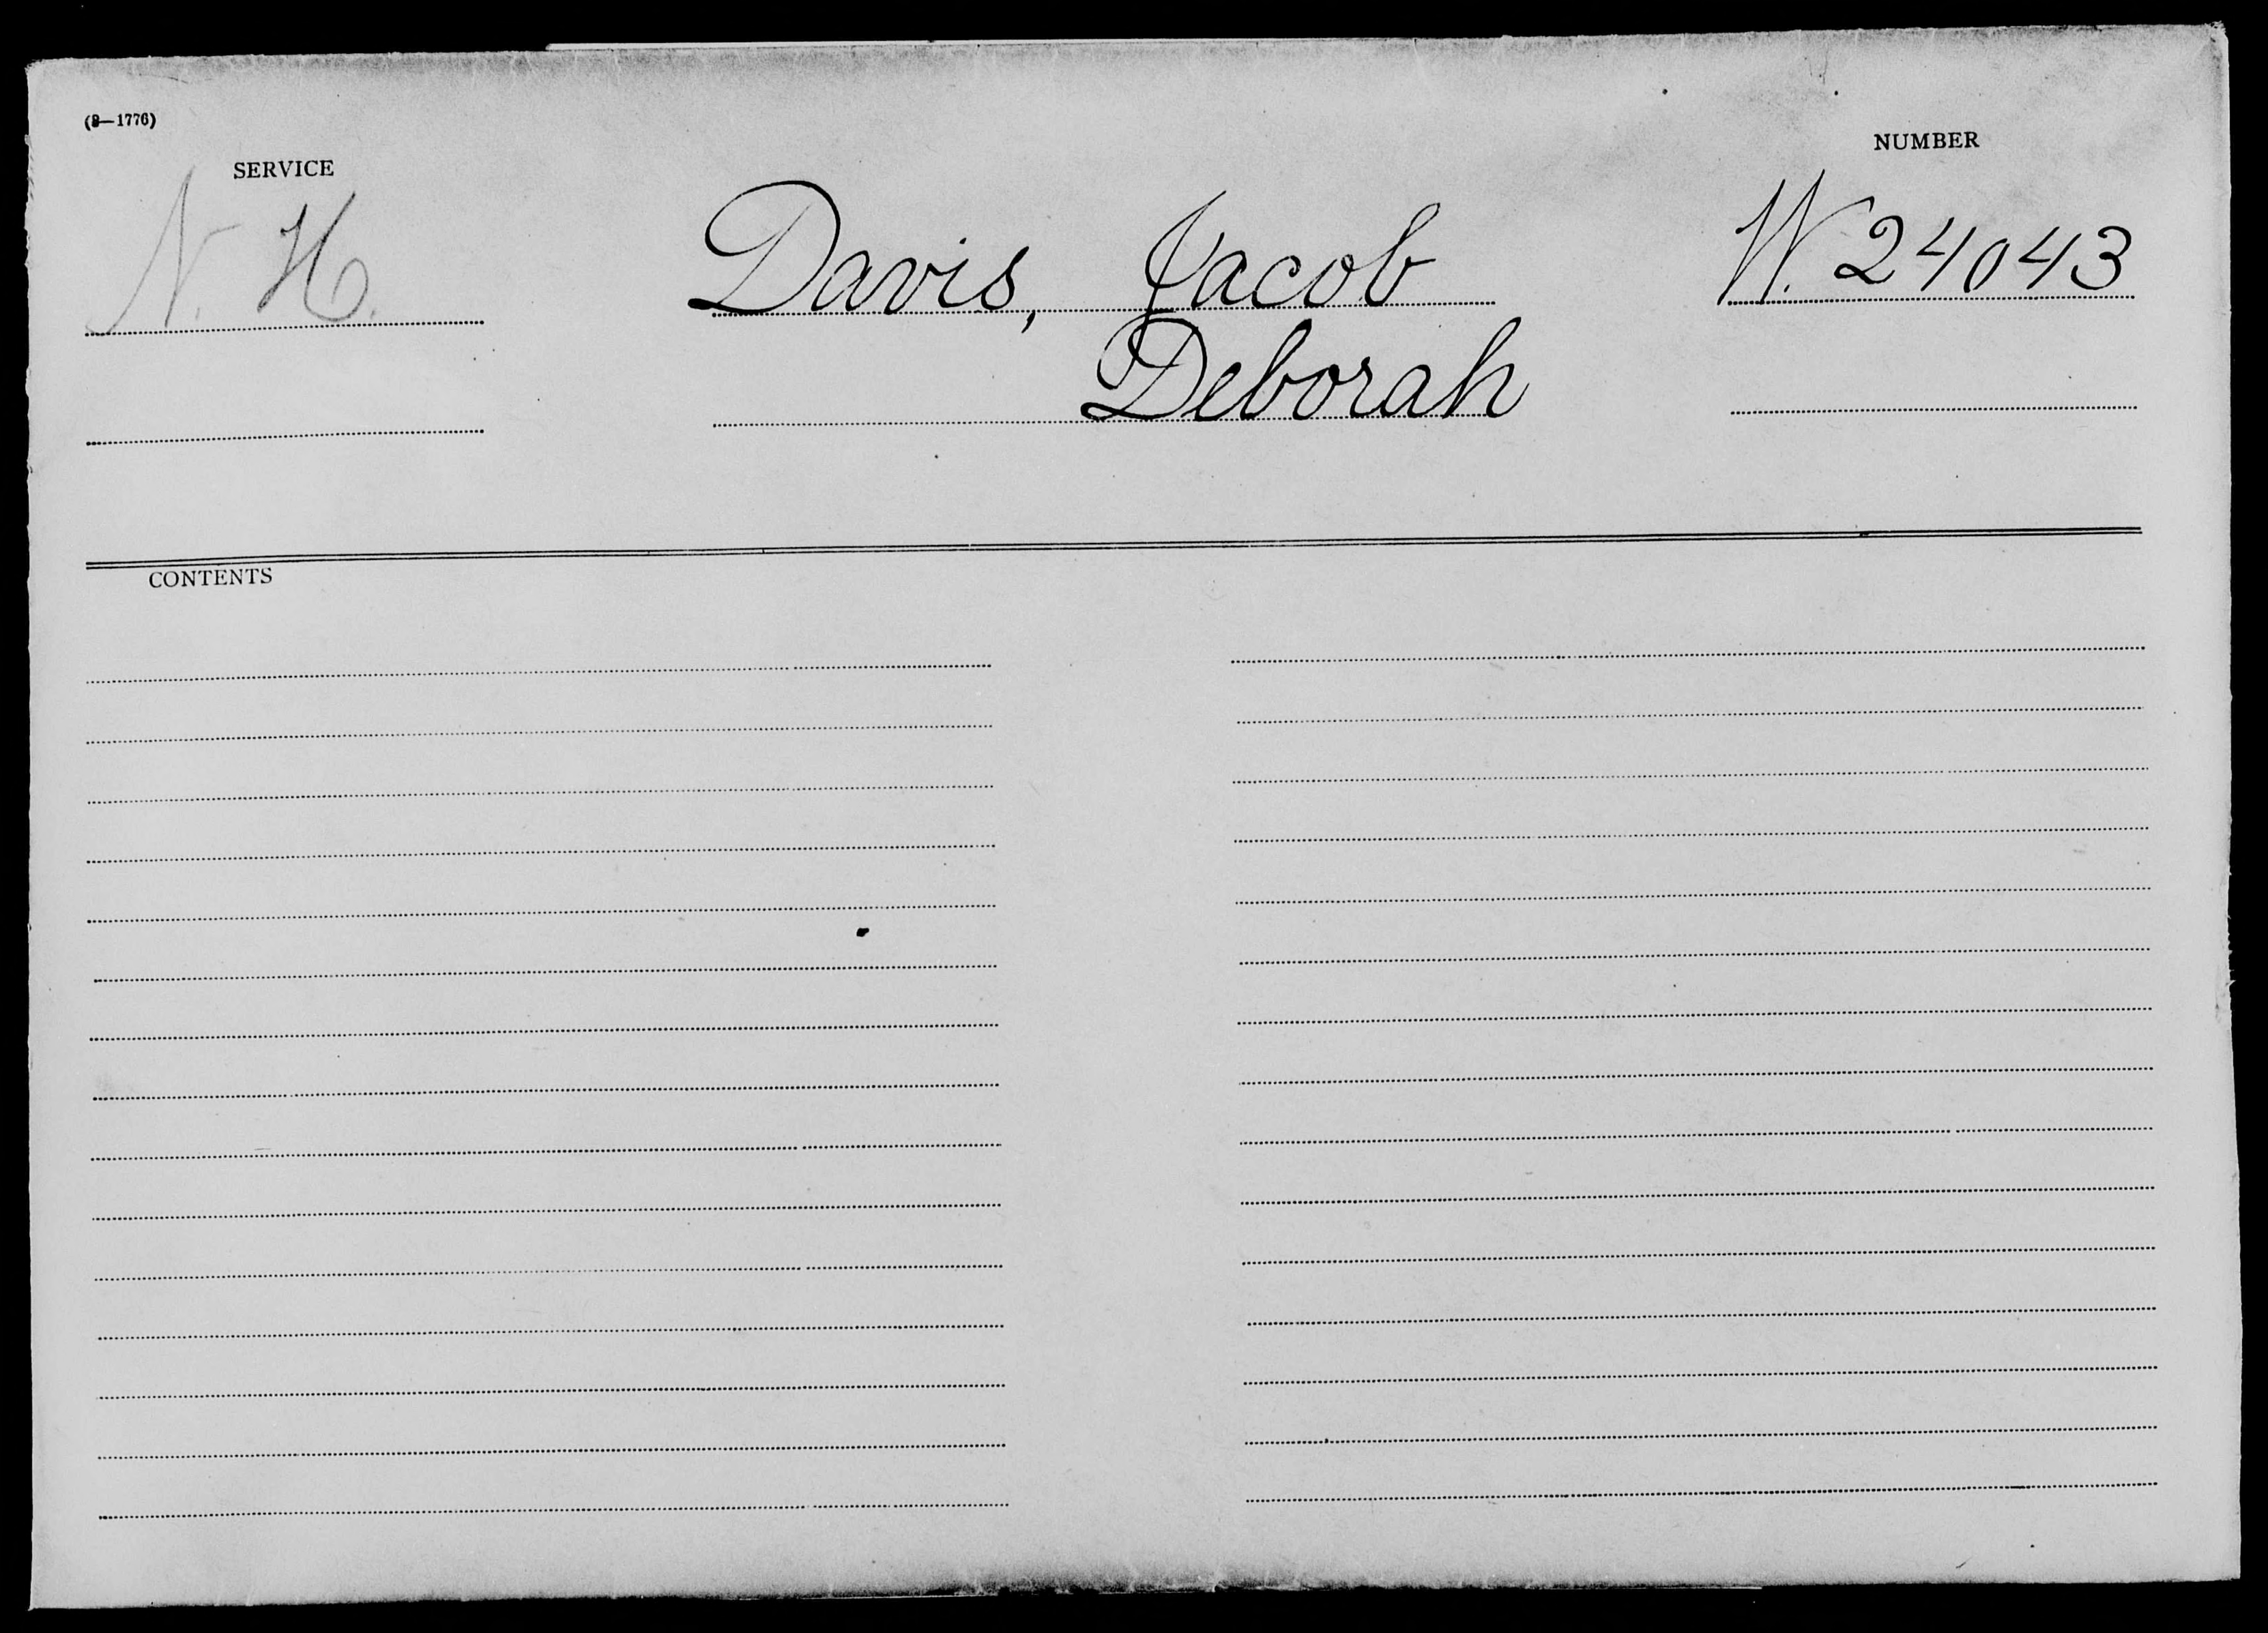(3 - 1776)
SERVICE
N. H.
CONTENTS
Davis, Jacob
Deborah
NUMBER
W.24043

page: 1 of 47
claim: widow's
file: W. 24043, Jacob Davis, N.H.